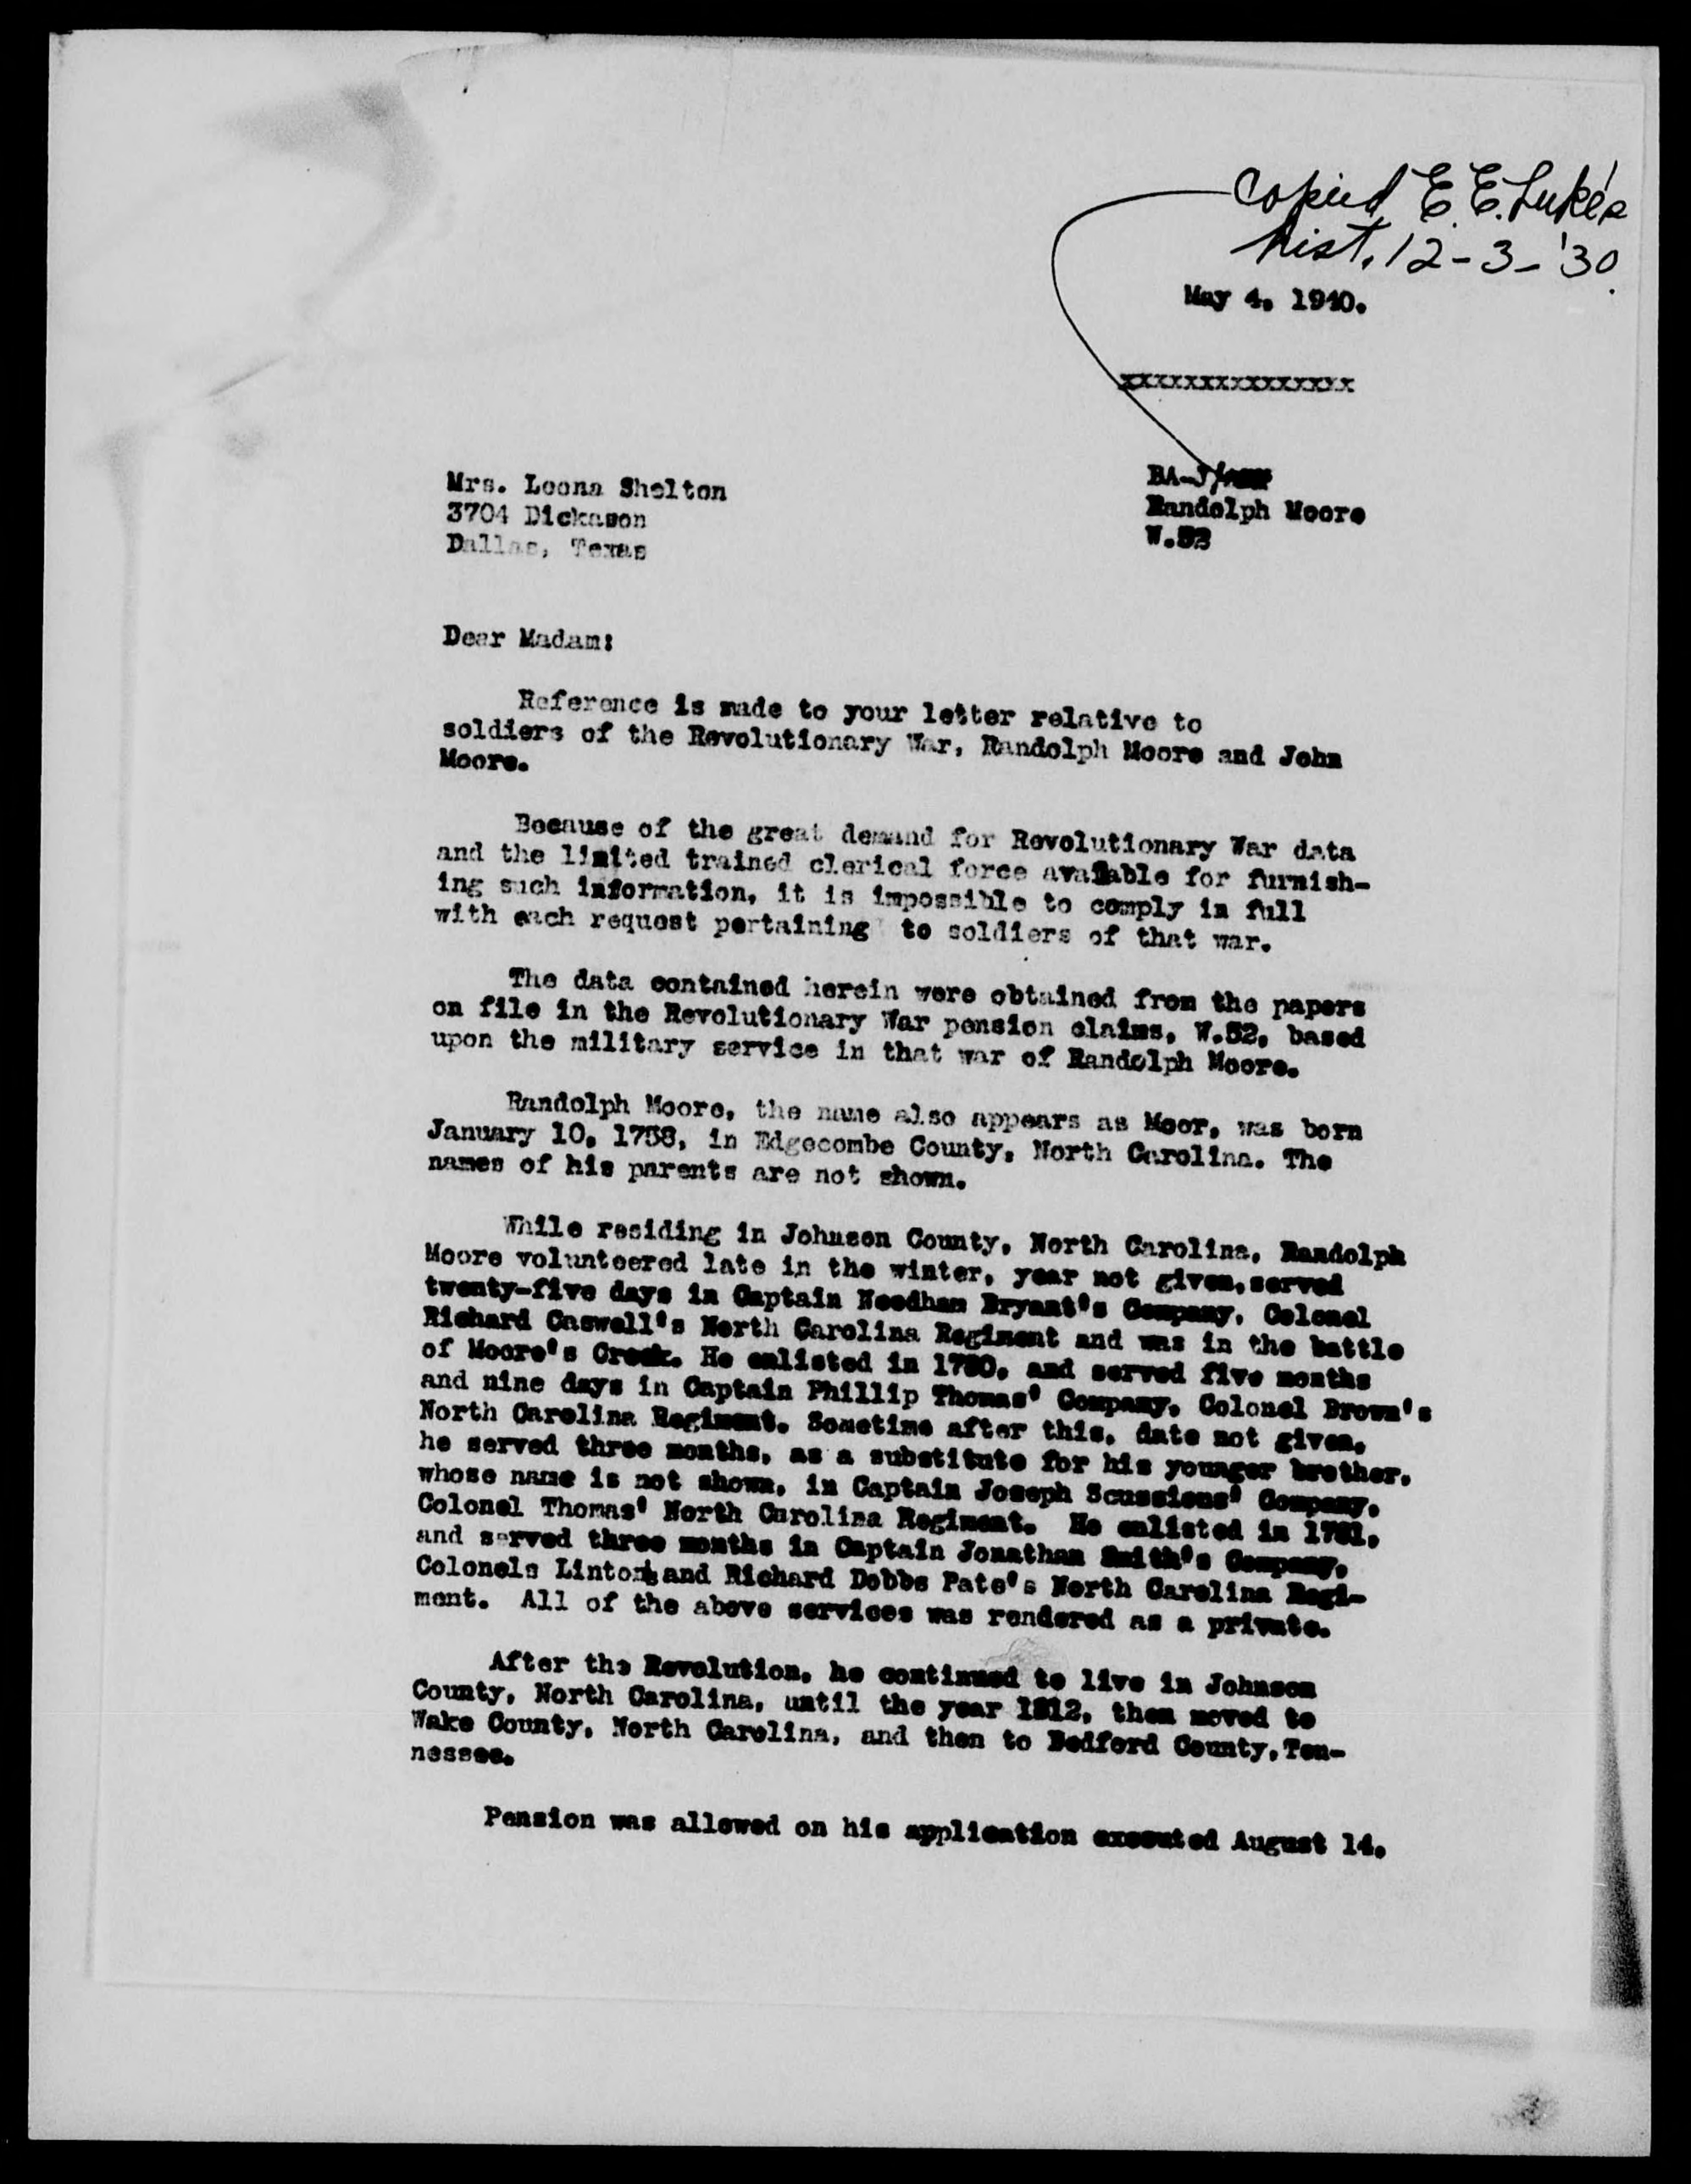May 4, 1940.
XXXXXXXXXXXXXXXXX

BA-/EEL
Randolph Moore
W. 52

Mrs. Leona Shelton
3704 Dickason
Dallas, Texas

Dear Madam:

Reference is made to your letter relative to
soldiers of the Revolutionary War, Randolph Moore and John Because of the great demand for Revolutionary War data and the limited trained clerical force available for furnishing such information, it is impossible to comply in full with each request pertaining to soldiers of that war.
The data contained herein were obtained from the papers on file in the Revolutionary War pension claim, W.82, based upon the military service in that war of Randolph Moore.

Randolph Moore, the name also appears as Moor, was born January 10, 1758, in Edgecombe County, North Carolina. The
names of his parents are not shown. While residing in Johnson County, North Carolina, Randolph Moore volunteered late in the winter, year not given, served twenty-five days in Captain Hookham Bryant's Company, Colonel Richard Caswell's North Carolina Regiment and was in the battle of Moore's Crest. He enlisted in 1780, and served five months and nine days in Captain Phillip Thomas' Company, Colonel Brown, North Carolina Regiment. Sometime after this, date not given, he served three months, as a substitute for his younger brother,
whose name is not shown, in Captain Joseph Soussionary Colonel Thomas' North Carolina Regiment. He enlisted in 1781, and served three months in Captain Jonathan Hunt's
Colonel Linton and Richard Dobbs Pate's North Carolina Regimant. All of the above services was rendered as a private. After the Revolution, he continued to live in Johnson County, North Carolina, until the year 1812, then moved to
Wake County, North Carolina, and then to Bedford County, Tennessee. Pension was allowed on his application executed August 14.

[note -copied E. E. Luke's hist 12-3-'30.]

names: Randolph Moore; John Moore; Leona Shelton; Richard Dobbs; [BLANK] Linton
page: 18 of 33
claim: widow's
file: W. 52, for Randolph Moore, North Carolina